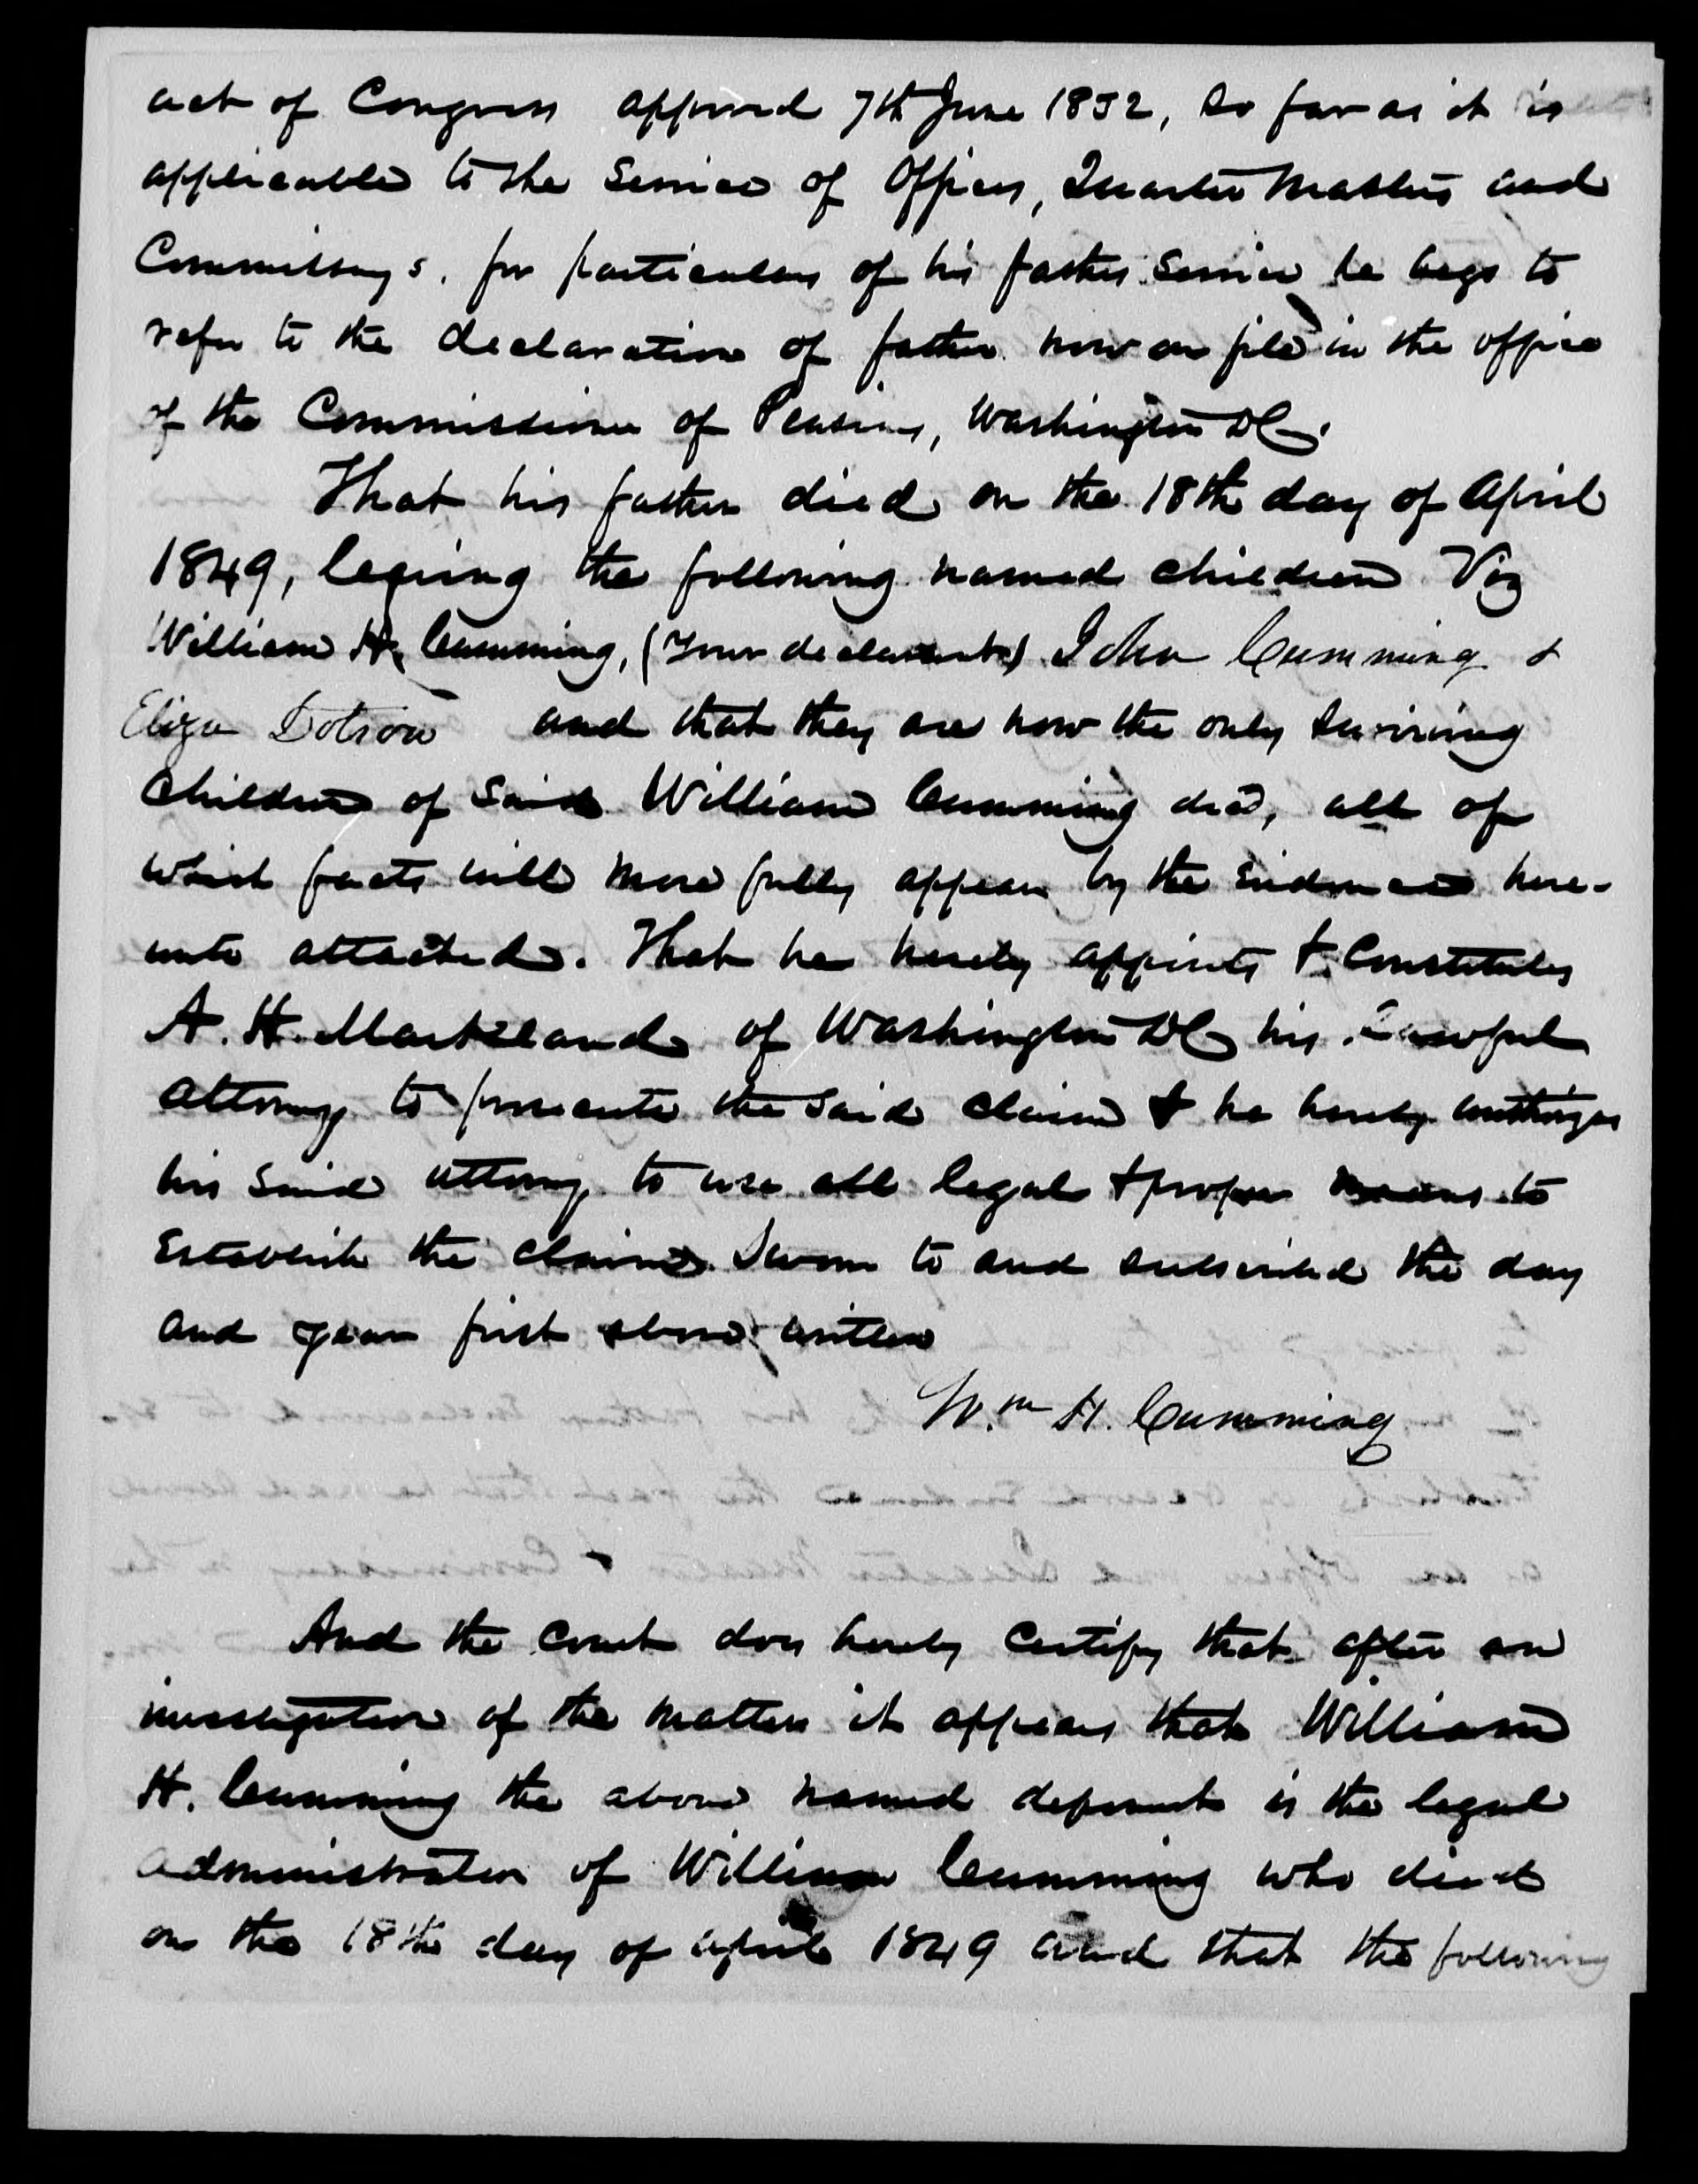[Handwritten record, continued.  Occasional spacing has been included to make the long text block easier to read.]

act of Congress affirmed [or approved] 7th June 1832, so far as it is applicable to the Service of Officers, Quarter Masters and Commissays.  for particulars of his father Service he begs to refer to the declaration of father now on file in the Office of the Commissioner of Pensions, Washington DC.  

That his father died on the 18th day of April 1849, leaving the following named children Viz William H. Cumming (Your declarant) [here the following two names are written in the saame handwriting, but in slightly lighter ink] John Cumming and Eliza Dotson and that they are now the only Surviving Children of said William Cumming decd, [here the following word is underlined] all of which facts will more fully appear by the Evidence hereunto attached.  

That he hereby appints and Constitutes A. H. Markland of Washington DC his lawful Attorney to prosecute the said claim and he hereby authorizes his Said attorney to use all legal and proper means to Establish the claim [or claims.]  Sworn to and subscribed the day and year first above written
Wm. H. Cumming

And the court does hereby Certify that after an investigation of the Matters [or Matter] it appears that William H. Cumming the above named [?] deponent is the legal Administrator of William Cumming who died on the 18th day of April 1849 and that the following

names: William H Cumming, William H Cumming, William Cumming, Wm H Cumming, A H Markland, Eliza Dotson, William Cumming, John Cumming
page: 4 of 145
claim: survivor's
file: S. 8265, William Cumming, N.C.